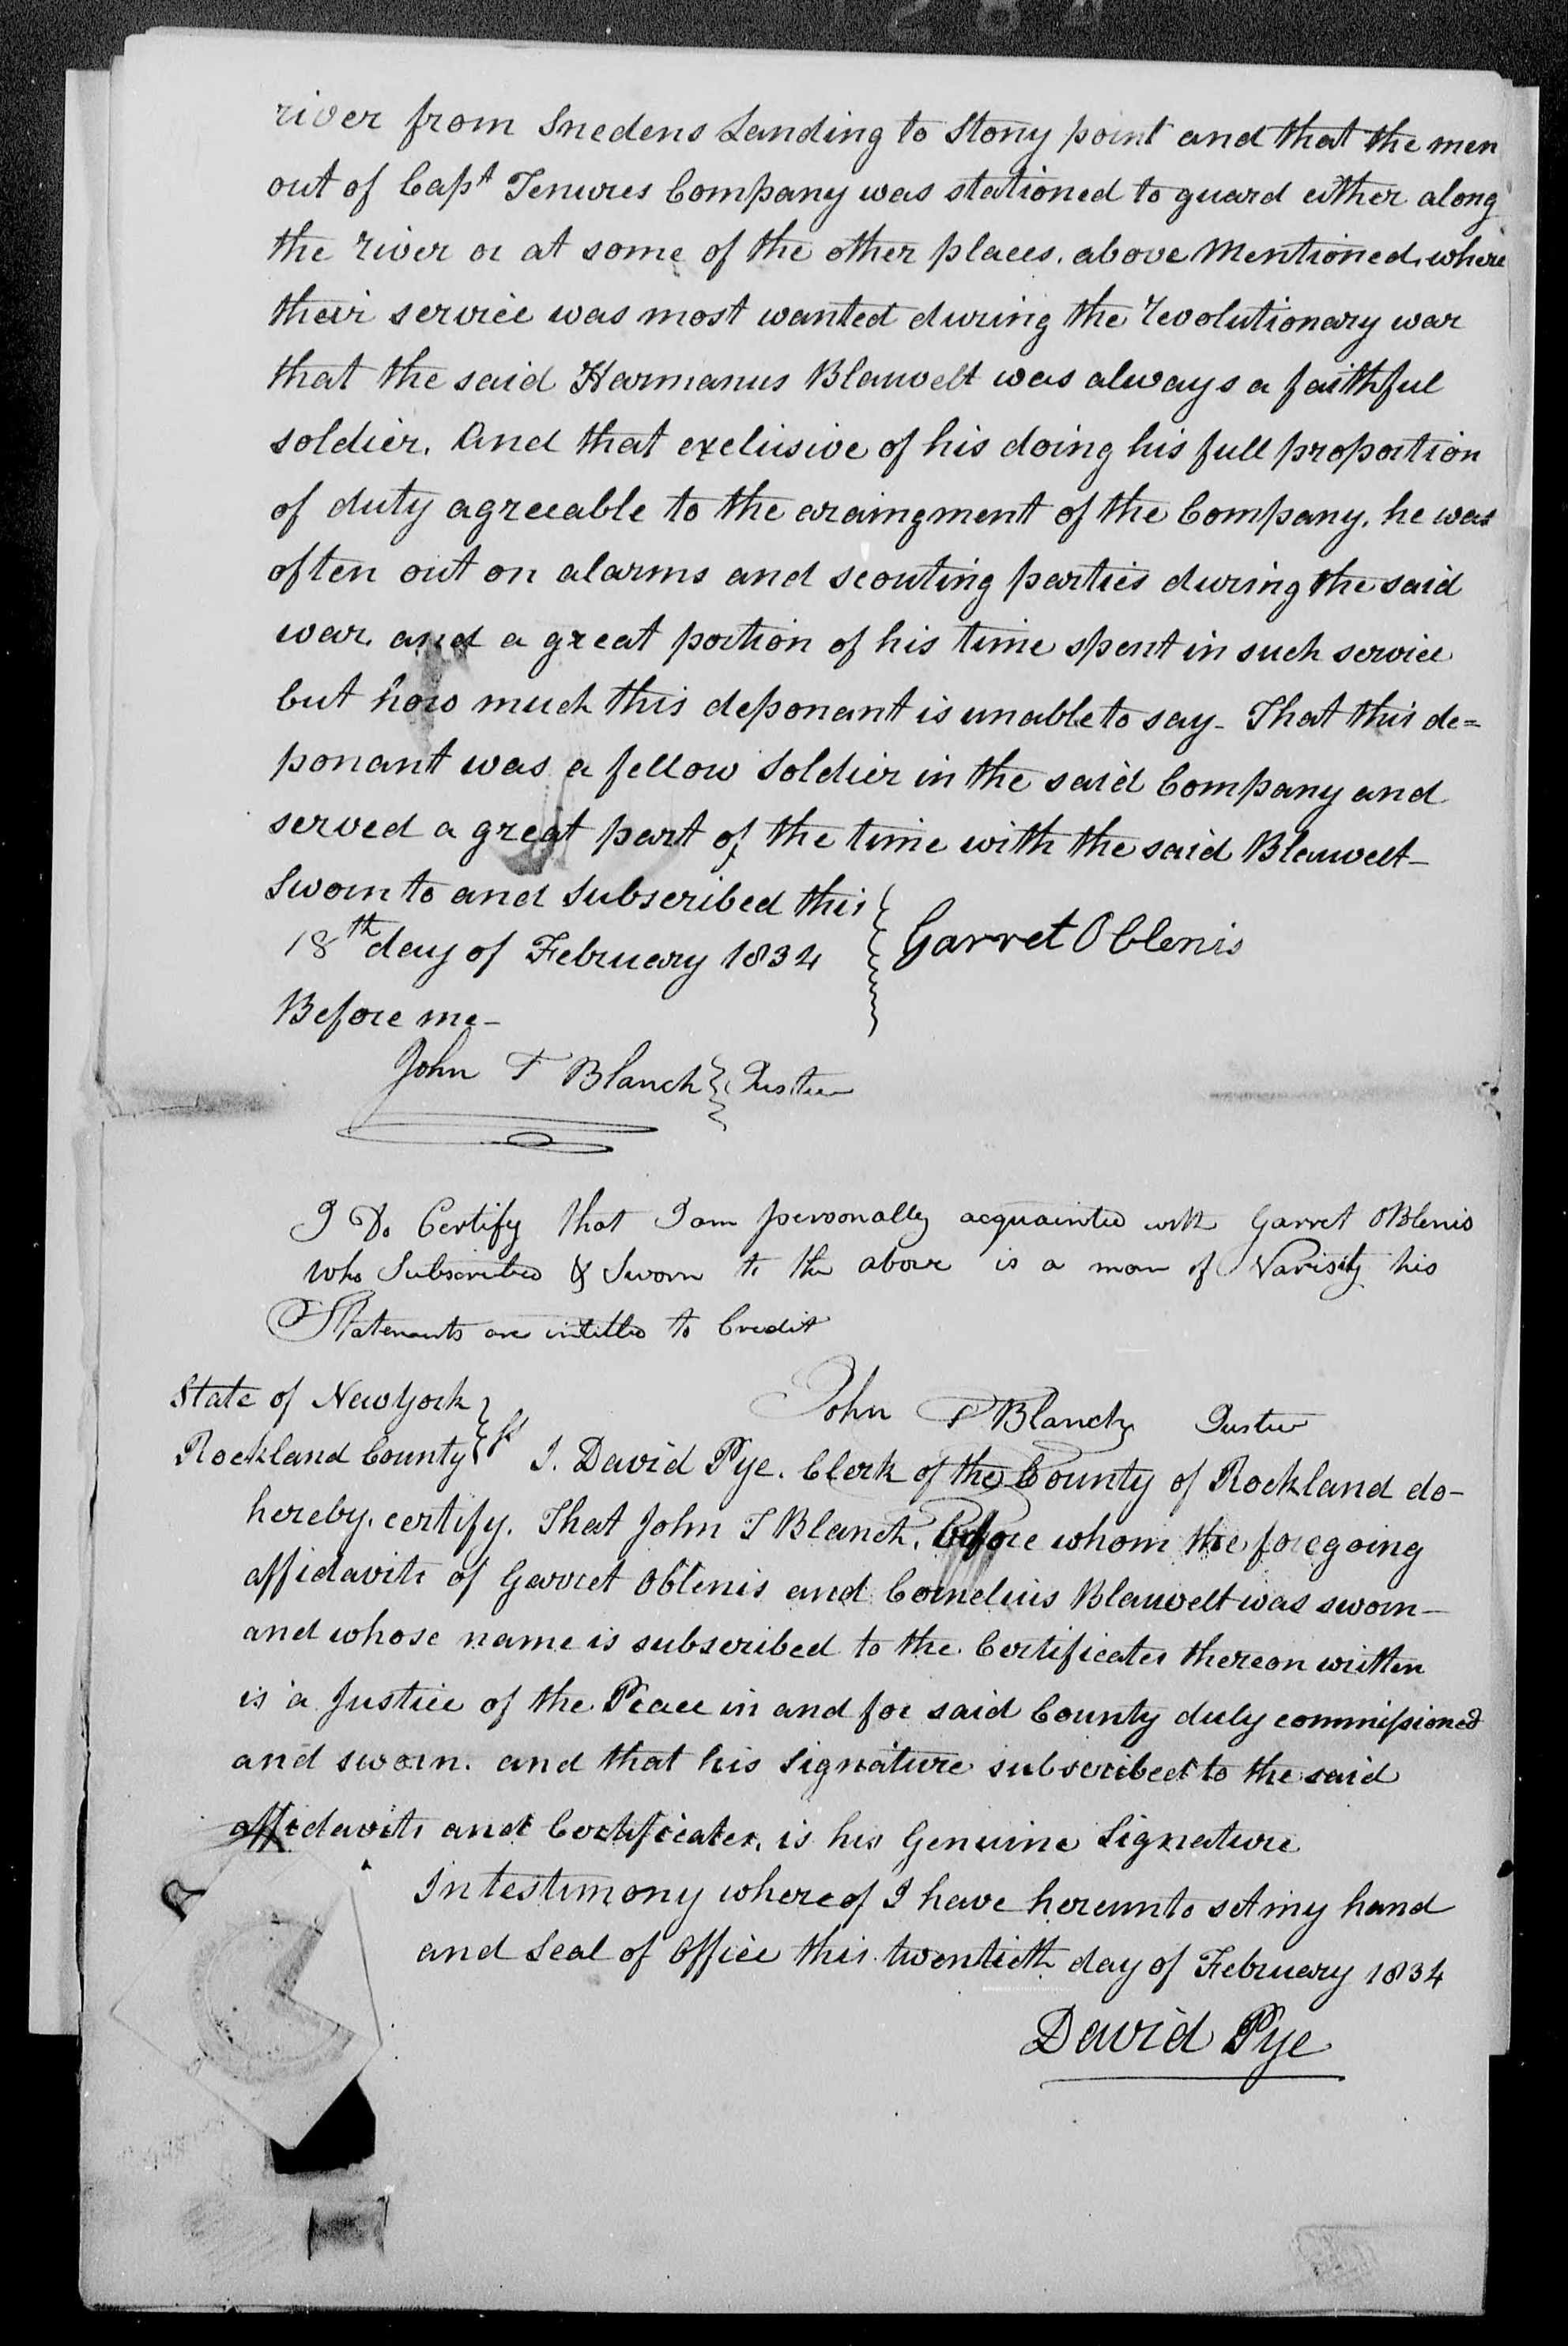river from Snedens Landing to Stony point and that the men out of Capt Tenures Company was stationed to guard either along the river or at some of the other places, above mentioned, where their service was most wanted during the revolutionary war that the said Harmanus Blauvelt was always a faithful soldier, and that exclusive of his doing his full proportion of duty agreeable to the arrangement of the Company, he was often out on alarms and scouting parties during the said war, and a great portion of his time spent in such service, but how much this deponent is unable to say. That this deponent was a fellow soldier in the said Company and served a great part of the time with the said Blauvelt. [signed] Garret Oblenis
Sworn to and subscribed this 18th day of February 1834 Before me [signed] John T Blanch Justice

I do Certify that I am personally acquainted with Garret Oblenis who subscribed & sworn to the above is a man of Veracity his Statements are intitled to Credit. [signed] John T Blanch Justice

State of New York
Rockland County Ss 
I, David Pye, Clerk of the County of Rockland do hereby certify, That John T Blanch, before whom the foregoing affidavits of Garret Oblemis and Cornelius Blauvelt was sworn, and whose name is subscribed to the Certificates thereon written is a Justice of the Peace  in and for said County duly commissioned and sworn, and that his signature subscribed to the said affidavit and certificates, is his Genuine Signature
In testimony whereof I have hereunto set my hand and Seal of Office this twentieth day of February 1834
[signed] David Pye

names: Cornelius Blauvelt, David Pye, Harmanus Blauvelt, Garret Oblenis, Garret Oblenis, John T Blanch, Garret Oblenis, John T Blanch, Blauvelt, John T Blanch, David Pye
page: 32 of 33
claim: survivor's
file: S. 22,653, Harmanus Blauvelt, New York